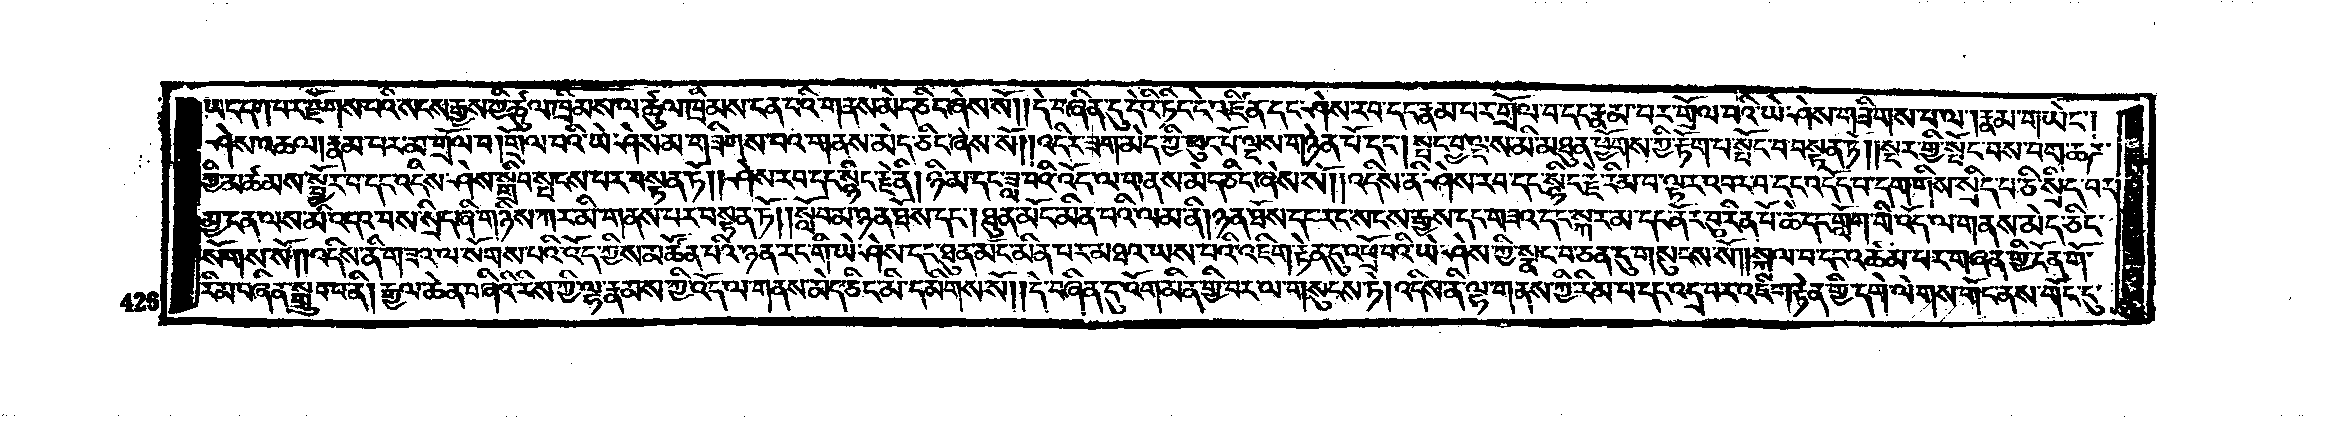ཡང་དག་པར་རྫོགས་པའི་སངས་རྒྱས་ཀྱི་ཚུལ་ཁྲིམས་ལ་ཚུལ་ཁྲིམས་ངན་པའི་གནས་མེད་ཅིང་ཞེས་སོ། །དེ་བཞིན་དུ་དེའི་ཏིང་ངེ་འཛིན་དང་ཤེས་རབ་དང་རྣམ་པར་གྲོལ་བ་དང་རྣམ་པར་གྲོལ་བའི་ཡེ་ཤེས་གཟིགས་པ་ལ། རྣམ་གཡེང་།
ཤེས་འཆལ། རྣམ་པར་མ་གྲོལ་བ། གྲོལ་བའི་ཡེ་ཤེས་མ་གཟིགས་པའི་གནས་མེད་ཅིང་ཞེས་སོ། །འདིར་ཟག་མེད་ཀྱི་ཕུང་པོ་ལྔས་གཉེན་པོ་དང་། སྤང་བྱ་ལྔས་མི་མཐུན་ཕྱོགས་ཀྱི་རྟོག་པ་སྤོང་བ་བསྟན་ཏོ། །སྔར་གྱི་སྤོང་བས་བག་ཆགས་
ཀྱི་མཚམས་སྦྱོར་བ་དང་འདིས་ཤེས་སྒྲིབ་སྤངས་པར་བསྟན་ཏོ། །ཤེས་རབ་དང་སྙིང་རྗེ་ནི། ཉི་མ་དང་ཟླ་བའི་འོད་ལ་གནས་མེད་ཅིང་ཞེས་སོ། །འདིས་ནི་ཤེས་རབ་དང་སྙིང་རྗེ་རིམ་པ་ལྟར་འབར་བ་དང་འདོད་པ་དག་གིས་སྲིད་པ་ཅི་སྲིད་པར་
མྱ་ངན་ལས་མི་འདའ་པས་སྲིད་ཞི་གཉིས་ཀར་མི་གནས་པར་བསྟན་ཏོ། །སློབ་མ་ཉན་ཐོས་དང་། ཐུན་མོང་མིན་པའི་ལམ་ནི། ཉན་ཐོས་དང་རང་སངས་རྒྱས་དང་གཟའ་དང་སྐར་མ་དང་ནོར་བུ་རིན་པོ་ཆེ་དང་གློག་གི་འོད་ལ་གནས་མེད་ཅིང་
སོགས་སོ། །འདིས་ནི་གཟའ་ལ་སོགས་པའི་འོད་ཀྱིས་མཚོན་པའི་ཉན་རང་གི་ཡེ་ཤེས་དང་ཐུན་མོང་མིན་པར་མཐའ་ཡས་པའི་འཇིག་རྟེན་དུ་འཕྲོ་བའི་ཡེ་ཤེས་ཀྱི་སྣང་བ་ཅན་དུ་གསུངས་སོ། །སྐལ་བ་དང་འཚམ་པར་གཞན་གྱི་དོན་གོ་
རིམ་བཞིན་སྒྲུབ་པ་ནི། རྒྱལ་ཆེན་བཞིའི་རིས་ཀྱི་ལྷ་རྣམས་ཀྱི་འོད་ལ་གནས་མེད་ཅིང་མི་དམིགས་སོ། །དེ་བཞིན་དུ་འོག་མིན་གྱི་བར་ལ་གསུངས་ཏེ། འདིས་ནི་ལྷ་གནས་ཀྱི་རིམ་པ་དང་འདྲ་བར་འཇིག་རྟེན་གྱི་དགེ་ལེགས་གོང་ནས་གོང་དུ་